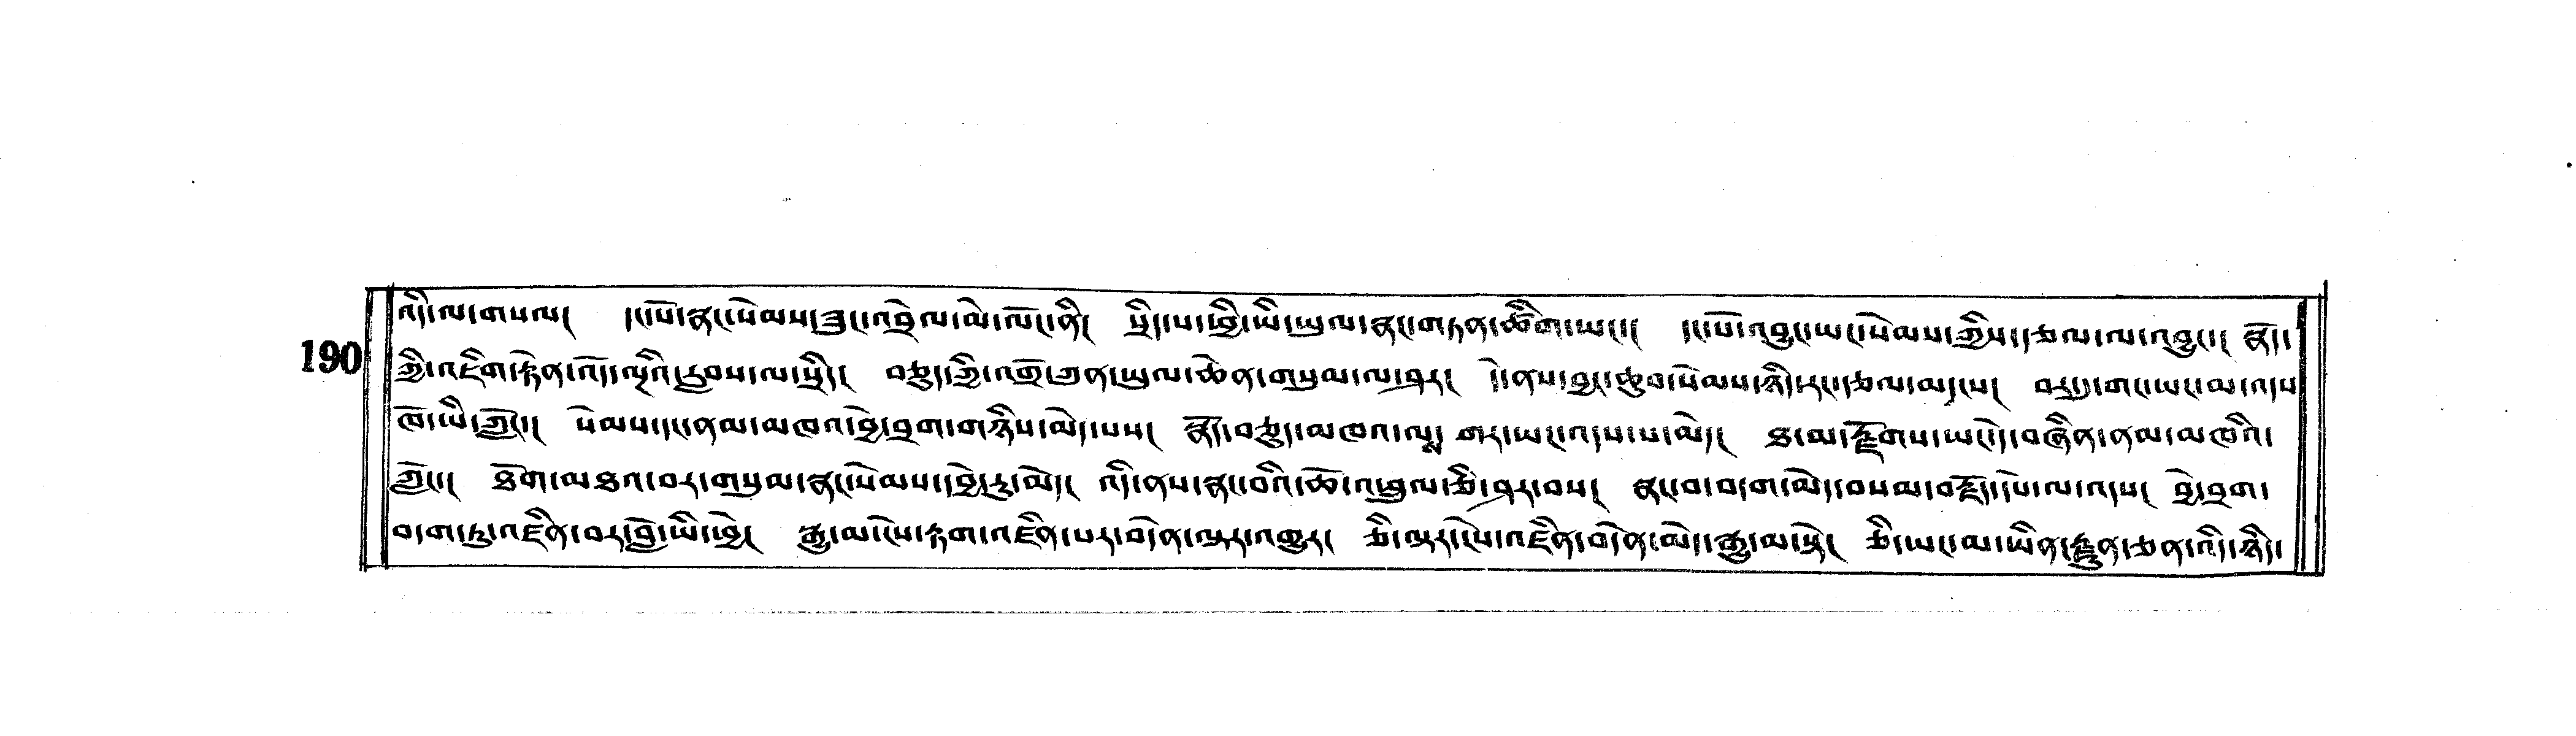འདི་ལ་གསལ། དང་པོ་སྣང་སེམས་ཟུང་འབྲེལ་མེ་ལོང་ནི། སྲིད་པ་ཕྱི་ཡི་ཡུལ་སྣང་གཏན་ཚིག་ཡང་། དང་པོ་འབྱུང་ཡང་སེམས་ཀྱི་རྩལ་ལས་འབྱུང་། སྣོིད་
ཀྱི་འཇིག་རྟེན་འོད་ལྔའི་རླབས་ལ་སྲིད། བཅུད་ཀྱི་འགྲོ་ཀུན་ཡུལ་ཆེན་གསུམ་ལ་ཤར། དེ་ནས་བྱང་ཆུབ་སེམས་ཉིད་རང་རྩལ་མདངས། བར་དུ་གང་ཡང་མ་འདས་
ཁོ་ཡི་ཀློང་། སེམས་དང་ནམ་མཁའ་བྱེ་བྲག་གཉིས་མེད་པས། སྣོད་བཅུད་མཁའ་ལས་ གར་ཡང་འདས་པ་མེད། ཐ་མ་རྫོགས་ཀྱང་དེ་བཞིན་ནམ་མཁའི་
ཀློང་། ཐོག་མཐའ་བར་གསུམ་སྣང་སེམས་དབྱེ་རུ་མེད། འདི་ནས་སྣང་བའི་ཆོ་འཕྲུལ་ཅི་ཤར་བས། སྣང་བ་བདག་མེད་བསམ་བརྗོད་དཔེ་ལས་འདས། བྱེ་བྲག་
བདག་ཏུ་འཛིན་པར་བློ་ཡིས་ཕྱེ། སྒྱུ་མ་ངེས་རྟག་འཛིན་པར་བདེན་ལྟར་འགྱུར། ཅི་ལྟར་ངེས་འཛིན་བདེན་མེད་སྒྱུ་མ་སྟེ། ཅི་ཡང་མ་ཡིན་རྫུན་ཅན་འདི་ཉིད་